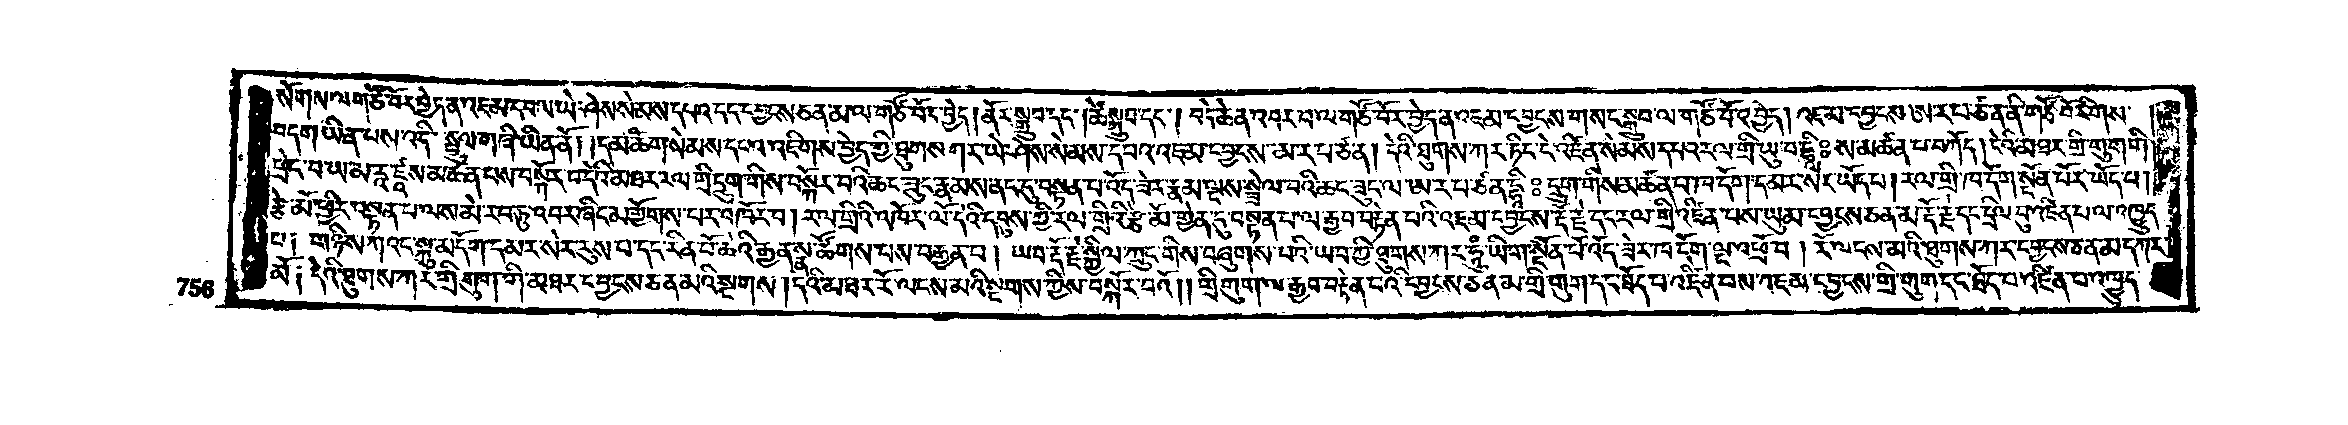སོགས་ལ་གཙོ་བོར་བྱེད་ན་འཇམ་དཔལ་ཡེ་ཤེས་སེམས་དཔའ་དང་དབྱངས་ཅན་མ་ལ་གཙོ་བོར་བྱེད། ནོར་སྒྲུབ་དང་། ཚེ་སྒྲུབ་དང་། བདེ་ཆེན་འབར་བ་ལ་གཙོ་བོར་བྱེད་ན་འཇམ་དབྱངས་གསང་སྒྲུབ་ལ་གཙོ་བོ་འབྱེད། འཇམ་དབྱངས་ཨ་ར་པ་ཙ་ན་ནི་གཙོ་བོ་རིགས་
བདག་ཡིན་པས་འདི་སྤྲུལ་གཞི་ཡིན་ནོ། །དམ་ཚིག་སེམས་དཔའ་འཇིགས་བྱེད་ཀྱི་ཐུགས་ཀར་ཡེ་ཤེས་སེམས་དཔའ་འཇམ་དབྱངས་མ་ར་པ་ཙ་ན། དེའི་ཐུགས་ཀར་ཏིང་ངེ་འཛིན་སེམས་དཔའ་རལ་གྲི་ཡུ་བ་དྷཱིཿ ས་མཚན་པ་བཀོད། དེའི་མཐར་གྲི་གུག་གི་
ཕྲེང་བ་ཡ་མ་རཱ་ཛཱས་མཚན་པས་བསྐོར་བ་དེའི་མཐར་རལ་གྲི་དྲུག་གིས་བསྐོར་བའི་ཆང་ཟུང་རྣམས་ནང་དུ་བསྟན་པ་འོད་ཟེར་རྣམ་ལྔས་སྦྲེལ་བའི་ཆང་ཟུང་ལ་ཨ་ར་པ་ཙ་ན་དྷཱིཿ དྲུག་གིས་མཚན་པ་ཁ་དོག་དམར་སེར་ཡོད་པ། རལ་གྲི་ཁ་དོག་སྔོན་པོར་ཡོད་པ།
རྩེ་མོ་ཕྱིར་བསྟན་པ་ལས་མེ་རབ་ཏུ་འབར་ཞིང་མགྱོགས་པར་འཁོར་བ། རལ་གྲིའི་འཁོར་ལོ་དེའི་དབུས་ཀྱི་རལ་གྲིའི་རྩེ་མོ་གྱེན་དུ་བསྟན་པ་ལ་རྒྱབ་བརྟེན་པའི་འཇམ་དབྱངས་རྡོ་རྗེ་དང་རལ་གྲི་འཛིན་པས་ཡུམ་དབྱངས་ཅན་མ་རྡོ་རྗེ་དང་དྲིལ་བུ་འཛིན་པ་ལ་འཁྱུད་
པ། གཉིས་ཀའང་སྐུ་མདོག་དམར་སེར་རུས་པ་དང་རིན་པོ་ཆེའི་རྒྱན་སྣ་ཚོགས་པས་བརྒྱན་པ། ཡབ་རྡོ་རྗེ་སྐྱིལ་ཀྲུང་གིས་བཞུགས་པའི་ཡབ་ཀྱི་ཐུགས་ཀར་ཧཱུཾ་ཡིག་སྔོན་པོ་འོད་ཟེར་ཁ་དོག་ལྔ་འཕྲོ་བ། རོ་ལངས་མའི་ཐུགས་ཀར་དབྱངས་ཅན་མ་དཀར་
མོ། དེའི་ཐུགས་ཀར་གྲི་གུག་གི་མཐར་དབྱངས་ཅན་མའི་སྔགས། དེའི་མཐར་རོ་ལངས་མའི་སྔགས་ཀྱིས་བསྐོར་བའོ། །གྲི་གུག་ལ་རྒྱབ་བརྟེན་པའི་དབྱངས་ཅན་མ་གྲི་གུག་དང་ཐོད་པ་འཛིན་པས་འཇམ་དབྱངས་གྲི་གུག་དང་ཐོད་པ་འཛིན་པ་འཁྱུད་